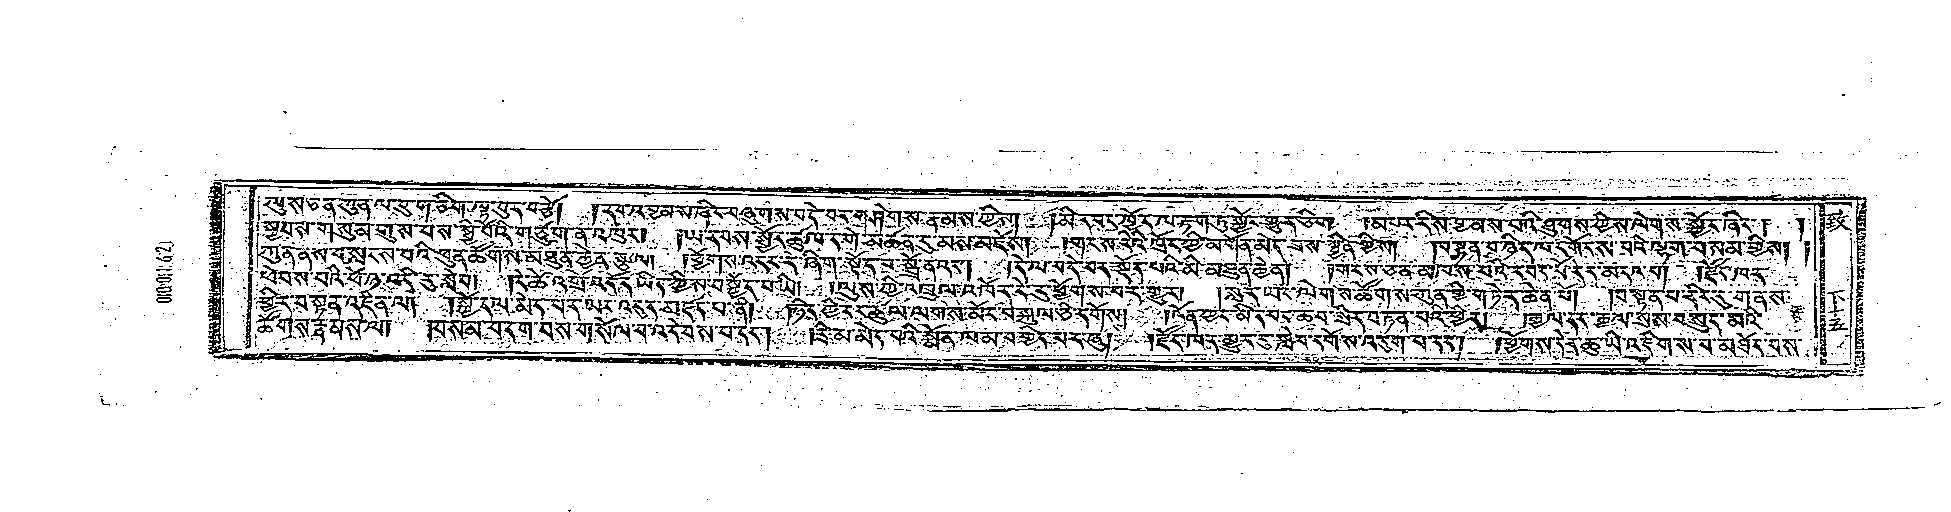ལུས་ཅན་ཀུན་ལ་བུ་གཅིག་ལྟ་བུར་བརྩོ། །རབ་འབྱམས་ཞིང་བཞུགས་བདེ་བར་གཤེགས་རྣམས་ཀྱིས། །མི་དབང་ཁྱོད་ལ་རྟག་ཏུ་སྐྱོང་གྱུར་ཅིག །མངའ་རིས་བྱམས་བའི་ཐུགས་ཀྱིས་ལེགས་སྐྱོང་ཞིང་། །
སྐྱབས་གསུམ་གུས་པས་སྤྱི་བོའི་གཙུག་ན་འཁུར། །ཡ་རབས་སྤྱོད་ཚུལ་དགེ་མཚན་དུ་མས་མཇོས། །གངས་རིའི་ཁྲོད་ཀྱི་མགོན་མེད་ཟས་སྦྱིན་གྱིས། །བསྟན་བ་ཉིད་ལ་དགོངས་པའི་ལྷག་བསམ་གྱིས། །
ཀུན་ནས་བསླངས་པའི་ཕུན་ཚོགས་མཐུན་རྐྱེན་སྩལ། །ཕྱོགས་འདར་རེ་ཞིག་སྡོད་པ་སྤྲོ་ནའང་། །དེ་ལ་བདེ་བར་སྡོད་པའི་མི་མཐུན་རྐྱེན། །གངས་ཅན་མཁས་པའི་དབང་པོ་རེད་མདའ་པ། །རྫོང་ཁར་
ཕེབས་པའི་ཕོ་ཉ་འདི་རུ་སླེབ། །དེ་ཚེ་འགྲོ་འདོད་ཡིད་ཀྱིས་བསྐྱོད་བ་ཡི། །ལུས་ཀྱི་འཁྲུལ་འཁོར་དེ་རུ་ཕྱོགས་བར་གྱུར། །སླར་ཡང་ལེགས་ཚོགས་ཀུན་གྱི་གཏེར་ཆེན་པོ། །བསྟན་པ་རིང་དུ་གནས་
ཕྱིར་བསྟན་འཛིན་ལ། །སྐྱོ་དལ་མེད་པར་ཡང་འདུད་མཛད་པ་ནི། །ཉིད་ཀྱི་ངང་ཚུལ་ལགས་མོད་བསྐུལ་ཅི་དགོས། །འོན་ཀྱང་མི་དབང་ཆབ་སྲིར་བརྟན་པའི་ཕྱིར། །རྒྱལ་དང་རྒྱལ་སྲས་བསྲུང་མའི་
ཚོགས་རྣམས་ལ། །བསམ་པ་དག་བས་གསོལ་བ་འདེབས་པ་དང་། །དྲི་མ་མེད་པའི་སྨོན་ལམ་བགྱིད་པར་ཞུ། །རྫོང་ཁར་མྱུར་དུ་སླེབ་དགོས་འདུག་པ་དང་། །ཕྱོགས་དེར་ཆུ་ཡི་འཇིགས་པ་མཐོད་བས་